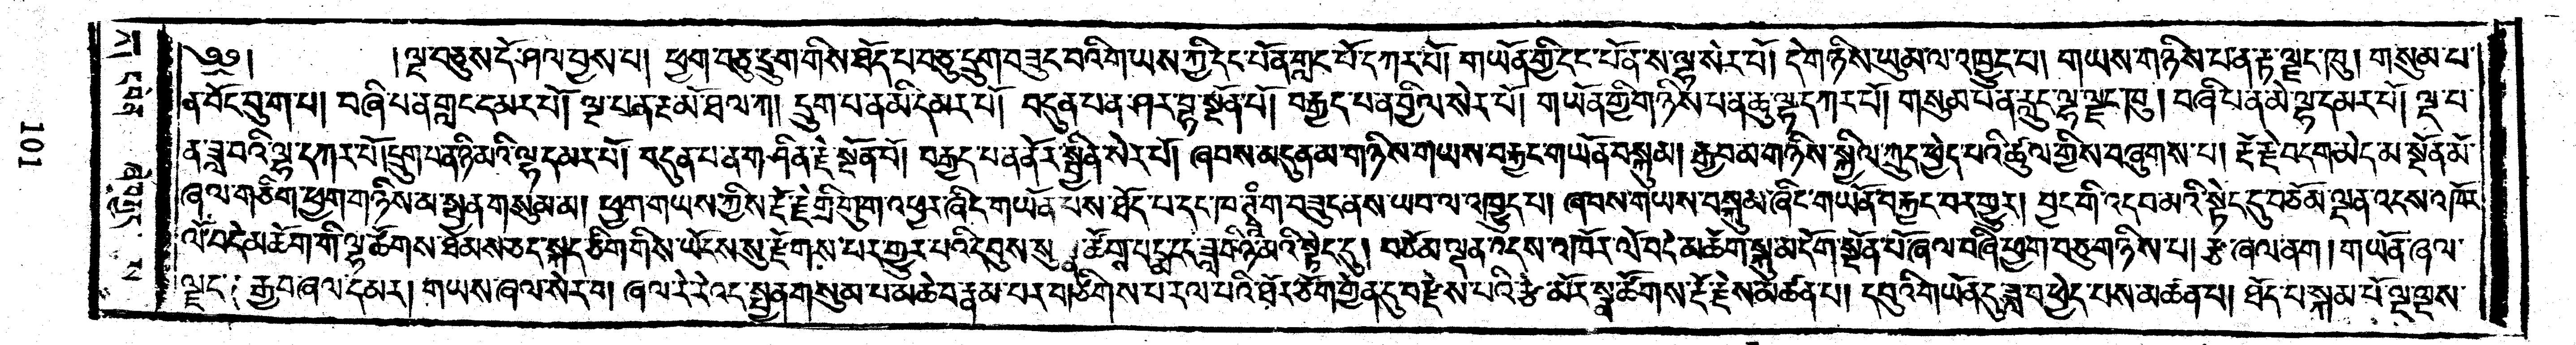༄༅། །ལྔ་བཅུས་དོ་ཤལ་བྱས་པ། ཕྱག་བཅུ་དྲུག་གིས་ཐོད་པ་བཅུ་དྲུག་བཟུང་བའི་གཡས་ཀྱི་དང་པོ་ན་གླང་པོ་དཀར་པོ། གཡོན་གྱི་དང་པོ་ན་ས་ལྷ་སེར་པོ། དེ་གཉིས་ཡུམ་ལ་འཁྱུང་པ། གཡས་གཉིས་པ་ན་རྟ་ལྗང་ཁུ། གསུམ་པ་
ན་བོང་བུ་ག་པ། བཞི་པ་ན་གླང་དམར་པོ། ལྔ་པ་ན་རྔ་མོ་ཐལ་ཀ། དྲུག་པ་ན་མི་དམར་པོ། བདུན་པ་ན་ཤར་བྷ་སྔོན་པོ། བརྒྱད་པ་ན་བྱིལ་སེར་པོ། གཡོན་གྱི་གཉིས་པ་ན་ཆུ་ལྷ་དཀར་པོ། གསུམ་པ་ན་རླུང་ལྷ་ལྗང་ཁུ། བཞི་པ་ན་མེ་ལྷ་དམར་པོ། ལྔ་པ་
ན་ཟླ་བའི་ལྷ་དཀར་པོ། དྲུག་པ་ན་ཉི་མའི་ལྷ་དམར་པོ། བདུན་པ་ན་གཤིན་རྗེ་སྔོན་པོ། བརྒྱད་པ་ན་ནོར་སྦྱིན་སེར་པོ། ཞབས་མདུན་མ་གཉིས་གཡས་བརྐྱང་གཡོན་བསྐུམ། རྒྱབ་མ་གཉིས་སྐྱིལ་ཀྲུང་ཕྱེད་པའི་ཚུལ་གྱིས་བཞུགས་པ། རྡོ་རྗེ་བདག་མེད་མ་སྔོན་མོ་
ཞལ་གཅིག་ཕྱག་གཉིས་མ་སྤྱན་གསུམ་མ། ཕྱག་གཡས་ཀྱིས་རྡོ་རྗེ་གྲི་གུག་འཕྱར་ཞིང་གཡོན་པས་ཐོད་པ་དང་ཁ་ཊྭཱཾ་ག་བཟུང་ནས་ཡབ་ལ་འཁྱུད་པ། ཞབས་གཡས་བསྐུམ་ཞིང་གཡོན་བརྐྱང་བར་གྱུར། བྱང་གི་འདབ་མའི་སྟེང་དུ་བཅོམ་ལྡན་འདས་འཁོར་
ལོ་བདེ་མཆོག་གི་ལྷ་ཚོགས་ཐམས་ཅད་སྐད་ཅིག་གིས་ཡོངས་སུ་རྫོགས་པར་གྱུར་པའི་དབུས་སུ་སྣ་ཚོགས་པདམ་དང་ཟླ་བ་ཉི་མའི་སྟེང་དུ། བཅོམ་ལྡན་འདས་འཁོར་ལོ་བདེ་མཆོག་སྐུ་མདོག་སྔོན་པོ་ཞལ་བཞི་ཕྱག་བཅུ་གཉིས་པ། རྩ་ཞལ་ནག །གཡོན་ཞལ་
ལྗང༑ རྒྱབ་ཞལ་དམར། གཡས་ཞལ་སེར་བ། ཞལ་རེ་རེའང་སྤྱན་གསུམ་པ་མཆེ་བ་རྣམ་པར་གཙིགས་པ་རལ་པའི་ཐོར་ཅོག་གྱོན་དུ་བརྫེས་པའི་རྩེ་མོར་སྣ་ཚོགས་རྡོ་རྗེས་མཚན་པ། དབུའི་གཡོན་དུ་ཟླ་བ་ཕྱེད་པས་མཚན་པ། ཐོད་པ་སྐམ་པོ་ལྔ་ལྔས་